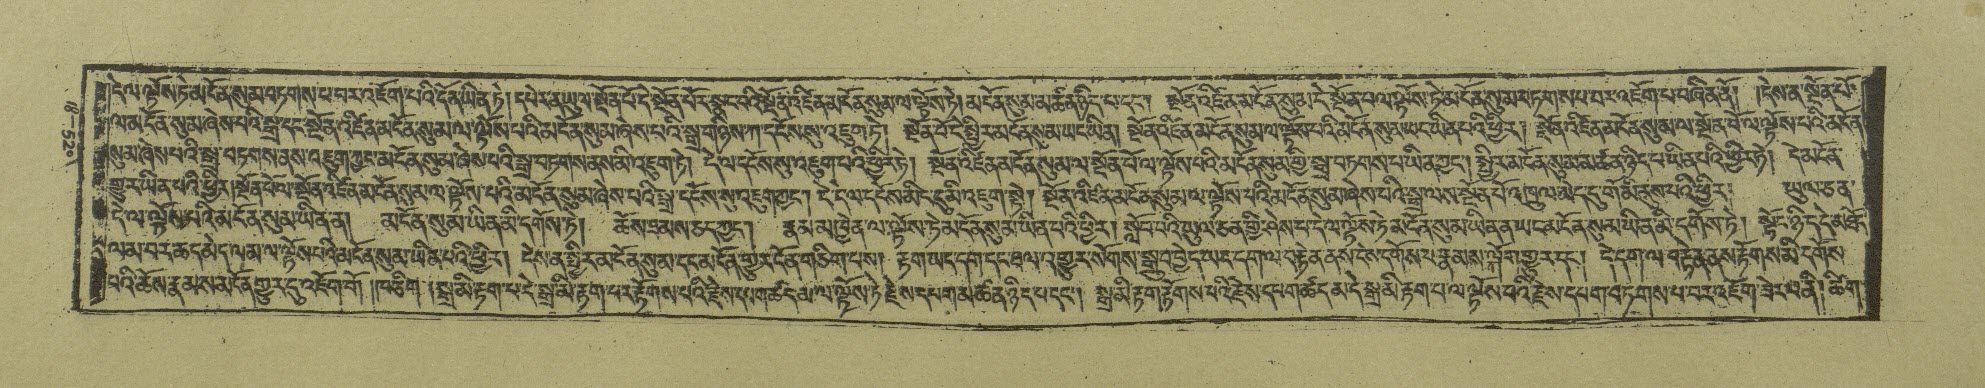དེ་ལ་ལྟོས་ཏེ་མངོན་སུམ་བཏགས་པ་བར་འཇོག་པའི་དོན་ཡིན་ཏེ། དཔེར་ན་ཡུལ་སྔོན་པོ་དེ་སྔོན་པོར་སྣང་བའི་སྔོན་འཛིན་མངོན་སུམ་ལ་ལྟོས་ཏེ། མངོན་སུམ་མཚན་ཉིད་པ་དང་། སྔོན་འཛིན་མངོན་སུམ་དེ་སྔོན་པོ་ལ་ལྟོས་ཏེ་མངོན་སུམ་བཏགས་པ་བར་འཇོག་པ་བཞིན་ནོ། །དེས་ན་སྔོན་པོ་
ལ་མངོན་སུམ་ཞེས་པའི་སྒྲ་དང་སྔོན་འཛིན་མངོན་སུམ་ལ་ལྟོས་པའི་མངོན་སུམ་ཞེས་པའི་སྒྲ་གཉིས་ཀ་དངོས་སུ་འཇུག་ཏེ། སྔོན་པོ་དེ་སྤྱིར་མངོན་སུམ་ཡང་ཡིན། སྔོན་འཛིན་མངོན་སུམ་ལ་ལྟོས་པའི་མངོན་སུམ་ཡང་ཡིན་པའི་ཕྱིར། སྔོན་འཛིན་མངོན་སུམ་ལ་སྔོན་པོ་ལ་ལྟོས་པའི་མངོན་
སུམ་ཞེས་པའི་སྒྲ་བཏགས་ནས་འཇུག་ཀྱང་མངོན་སུམ་ཞེས་པའི་སྒྲ་བཏགས་ནས་མི་འཇུག་ཏེ། དེ་ལ་དངོས་སུ་འཇུག་པའི་ཕྱིར་ཏེ། སྔོན་འཛིན་མངོན་སུམ་ལ་སྔོན་པོ་ལ་ལྟོས་པའི་མངོན་སུམ་གྱི་སྒྲ་བཏགས་པ་ཡིན་ཀྱང་། སྤྱིར་མངོན་སུམ་མཚན་ཉིད་པ་ཡིན་པའི་ཕྱིར་ཏེ། དེ་མངོན་
གྱུར་ཡིན་པའི་ཕྱིར། སྔོན་པོ་ལ་སྔོན་འཛིན་མངོན་སུམ་ལ་ལྟོས་པའི་མངོན་སུམ་ཞེས་པའི་སྒྲ་དངོས་སུ་འཇུག་ཀྱང་། དེ་དེ་ལ་དངོས་མིང་དུ་མི་འཇུག་སྟེ། སྔོན་འཛིན་མངོན་སུམ་ལ་ལྟོས་པའི་མངོན་སུམ་ཞེས་པའི་སྒྲ་ལས་སྔོན་པོ་འཁྲུལ་མེད་དུ་གོ་མི་ནུས་པའི་ཕྱིར། ཡུལ་ཅན་
དེ་ལ་ལྟོས་པའི་མངོན་སུམ་ཡིན་ན། མངོན་སུམ་ཡིན་མི་དགོས་ཏེ། ཆོས་ཐམས་ཅད་ཀྱང་། རྣམ་མཁྱེན་ལ་ལྟོས་ཏེ་མངོན་སུམ་ཡིན་པའི་ཕྱིར། སློབ་པའི་ཡུལ་ཅན་གྱི་ཤེས་པ་དེ་ལ་ལྟོས་ཏེ་མངོན་སུམ་ཡིན་ན་ཡང་མངོན་སུམ་ཡིན་མི་དགོས་ཏེ། སྟོང་ཉིད་དེ་མཐོང་
ལམ་བར་ཆད་མེད་ལམ་ལ་ལྟོས་པའི་མངོན་སུམ་ཡིན་པའི་ཕྱིར། དེས་ན་སྤྱིར་མངོན་སུམ་དང་མངོན་གྱུར་དོན་གཅིག་པས། རྟག་ཡང་དག་དང་ཐལ་འགྱུར་སོགས་སྒྲུབ་བྱེད་ཡང་དག་ལ་བརྟེན་ནས་ངེས་དགོས་པ་རྣམས་ལྐོག་གྱུར་དང་། དེ་དག་ལ་བརྟེན་ནས་རྟོགས་མི་དགོས་
པའི་ཆོས་རྣམས་མངོན་གྱུར་དུ་འཇོག་གོ །ཁ་ཅིག །སྒྲ་མི་རྟག་པ་དེ་སྒྲ་མི་རྟག་པར་རྟོགས་པའི་རྗེས་དཔག་ཚད་མ་ལ་ལྟོས་ཏེ་རྗེས་དཔག་མཚན་ཉིད་པ་དང་། སྒྲ་མི་རྟག་རྟོགས་པའི་རྗེས་དཔག་ཚད་མ་དེ་སྒྲ་མི་རྟག་པ་ལ་ལྟོས་པའི་རྗེས་དཔག་བཏགས་པ་བར་འཇོག་ཟེར་བ་ནི། མིག་